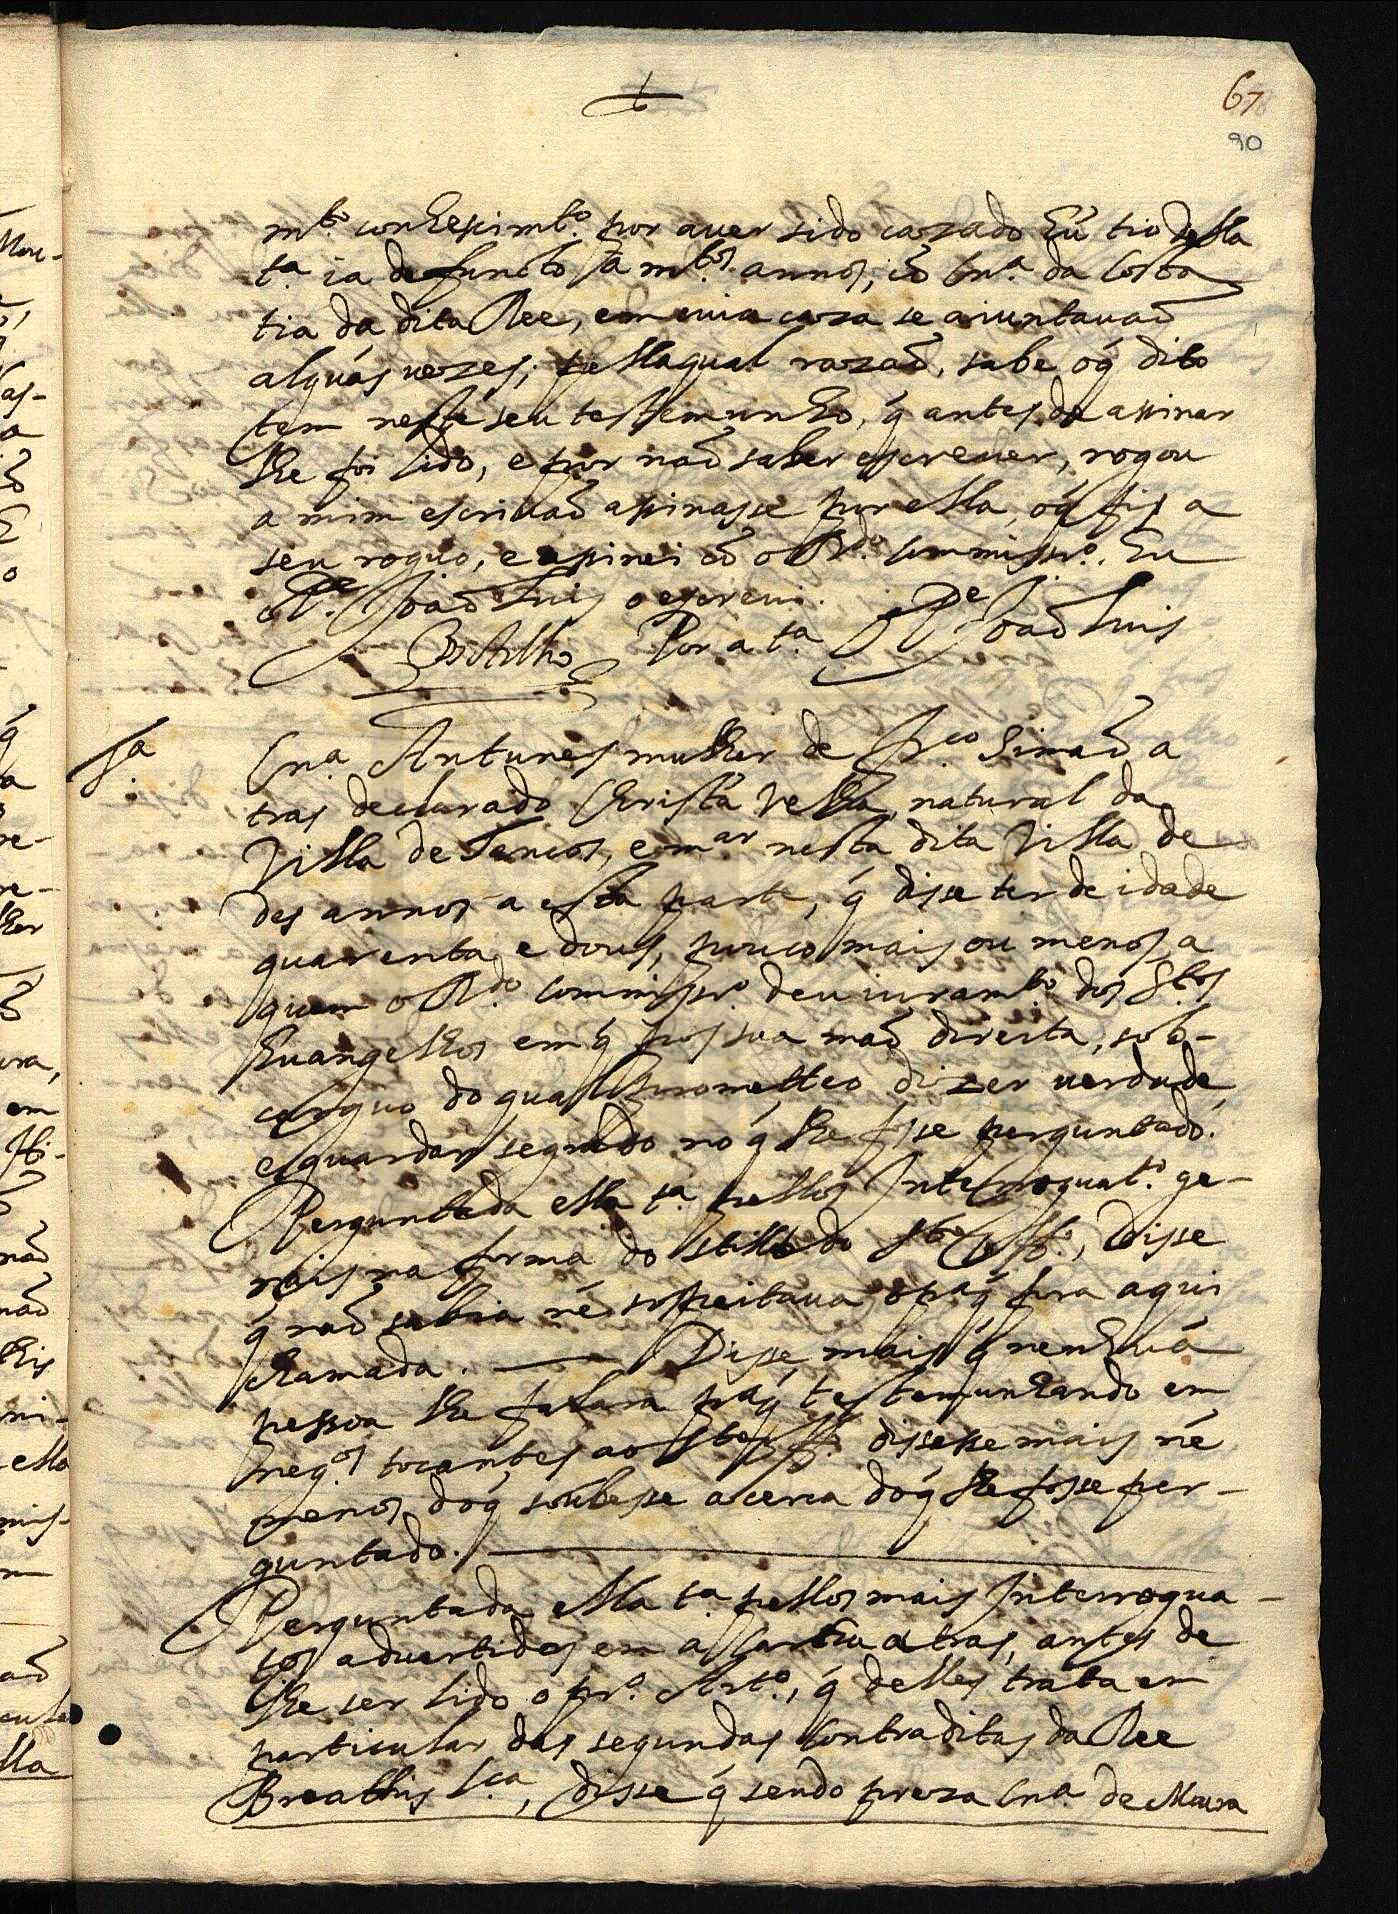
m.to conhescimt.o por auer sido cazado hū tio della
t.a ia defuncto à m.tos annos; cō Cn.a da Costa
tia da dita Ree, em cuia caza se aiuntauaõ
algūas vezes; pella qual razaõ, sabe o q̄ dito
tem neste seu testemunho, q̄ antes de assinar
lhe foi lido, e por naõ saber escreuer, rogou
a mim escriuaõ assinasse por ella, o q̄ fis a
seu roguo, e assinei cō o R.do comissr.o Eu
o P.e Joaõ Luis o escreuo.
Cn.a Antunes mulher de fr.co Simaõ a
tras declarado Christã Velha, natural da
Villa de Tancos, e mar nesta dita Villa de
des annos a esta parte, q̄ disse ter de idade
quarenta e dous, pouco mais ou menos, a
quem o R.do comissr.o deu iuramen.to dos S.tos
Euangelhos em q̄ sua maõ direita, sob
carguo do qual prometteo dizer verdade,
e guardar segredo no q̄ lhe fosse perguntado.
Perguntada ella t.a pellos Jnterroguat.o ge
rais na forma do stillo do Sto off.o, disse
q̄ naõ sabia nē sospeitaua o paq̄ fora aqui
chamada. Disse mais q̄ nenhuā
pessoa lhe falara paq̄ testemunhando em
neg.os tocantes ao Sto off.o dissesse mais nē
menos do q̄ soubesse acerca do q̄ lhe fosse per
guntado.//
Perguntada ella t.a pellos mais Jnterrogua
t.os aduertidos em a carta atras, antes de
lhe ser lido o pr.o Ant.o, q̄ delles trata em
particular das segundas contraditas da Ree
Breathis L.ca, disse q̄ sendo preza Cn.a de Moura
